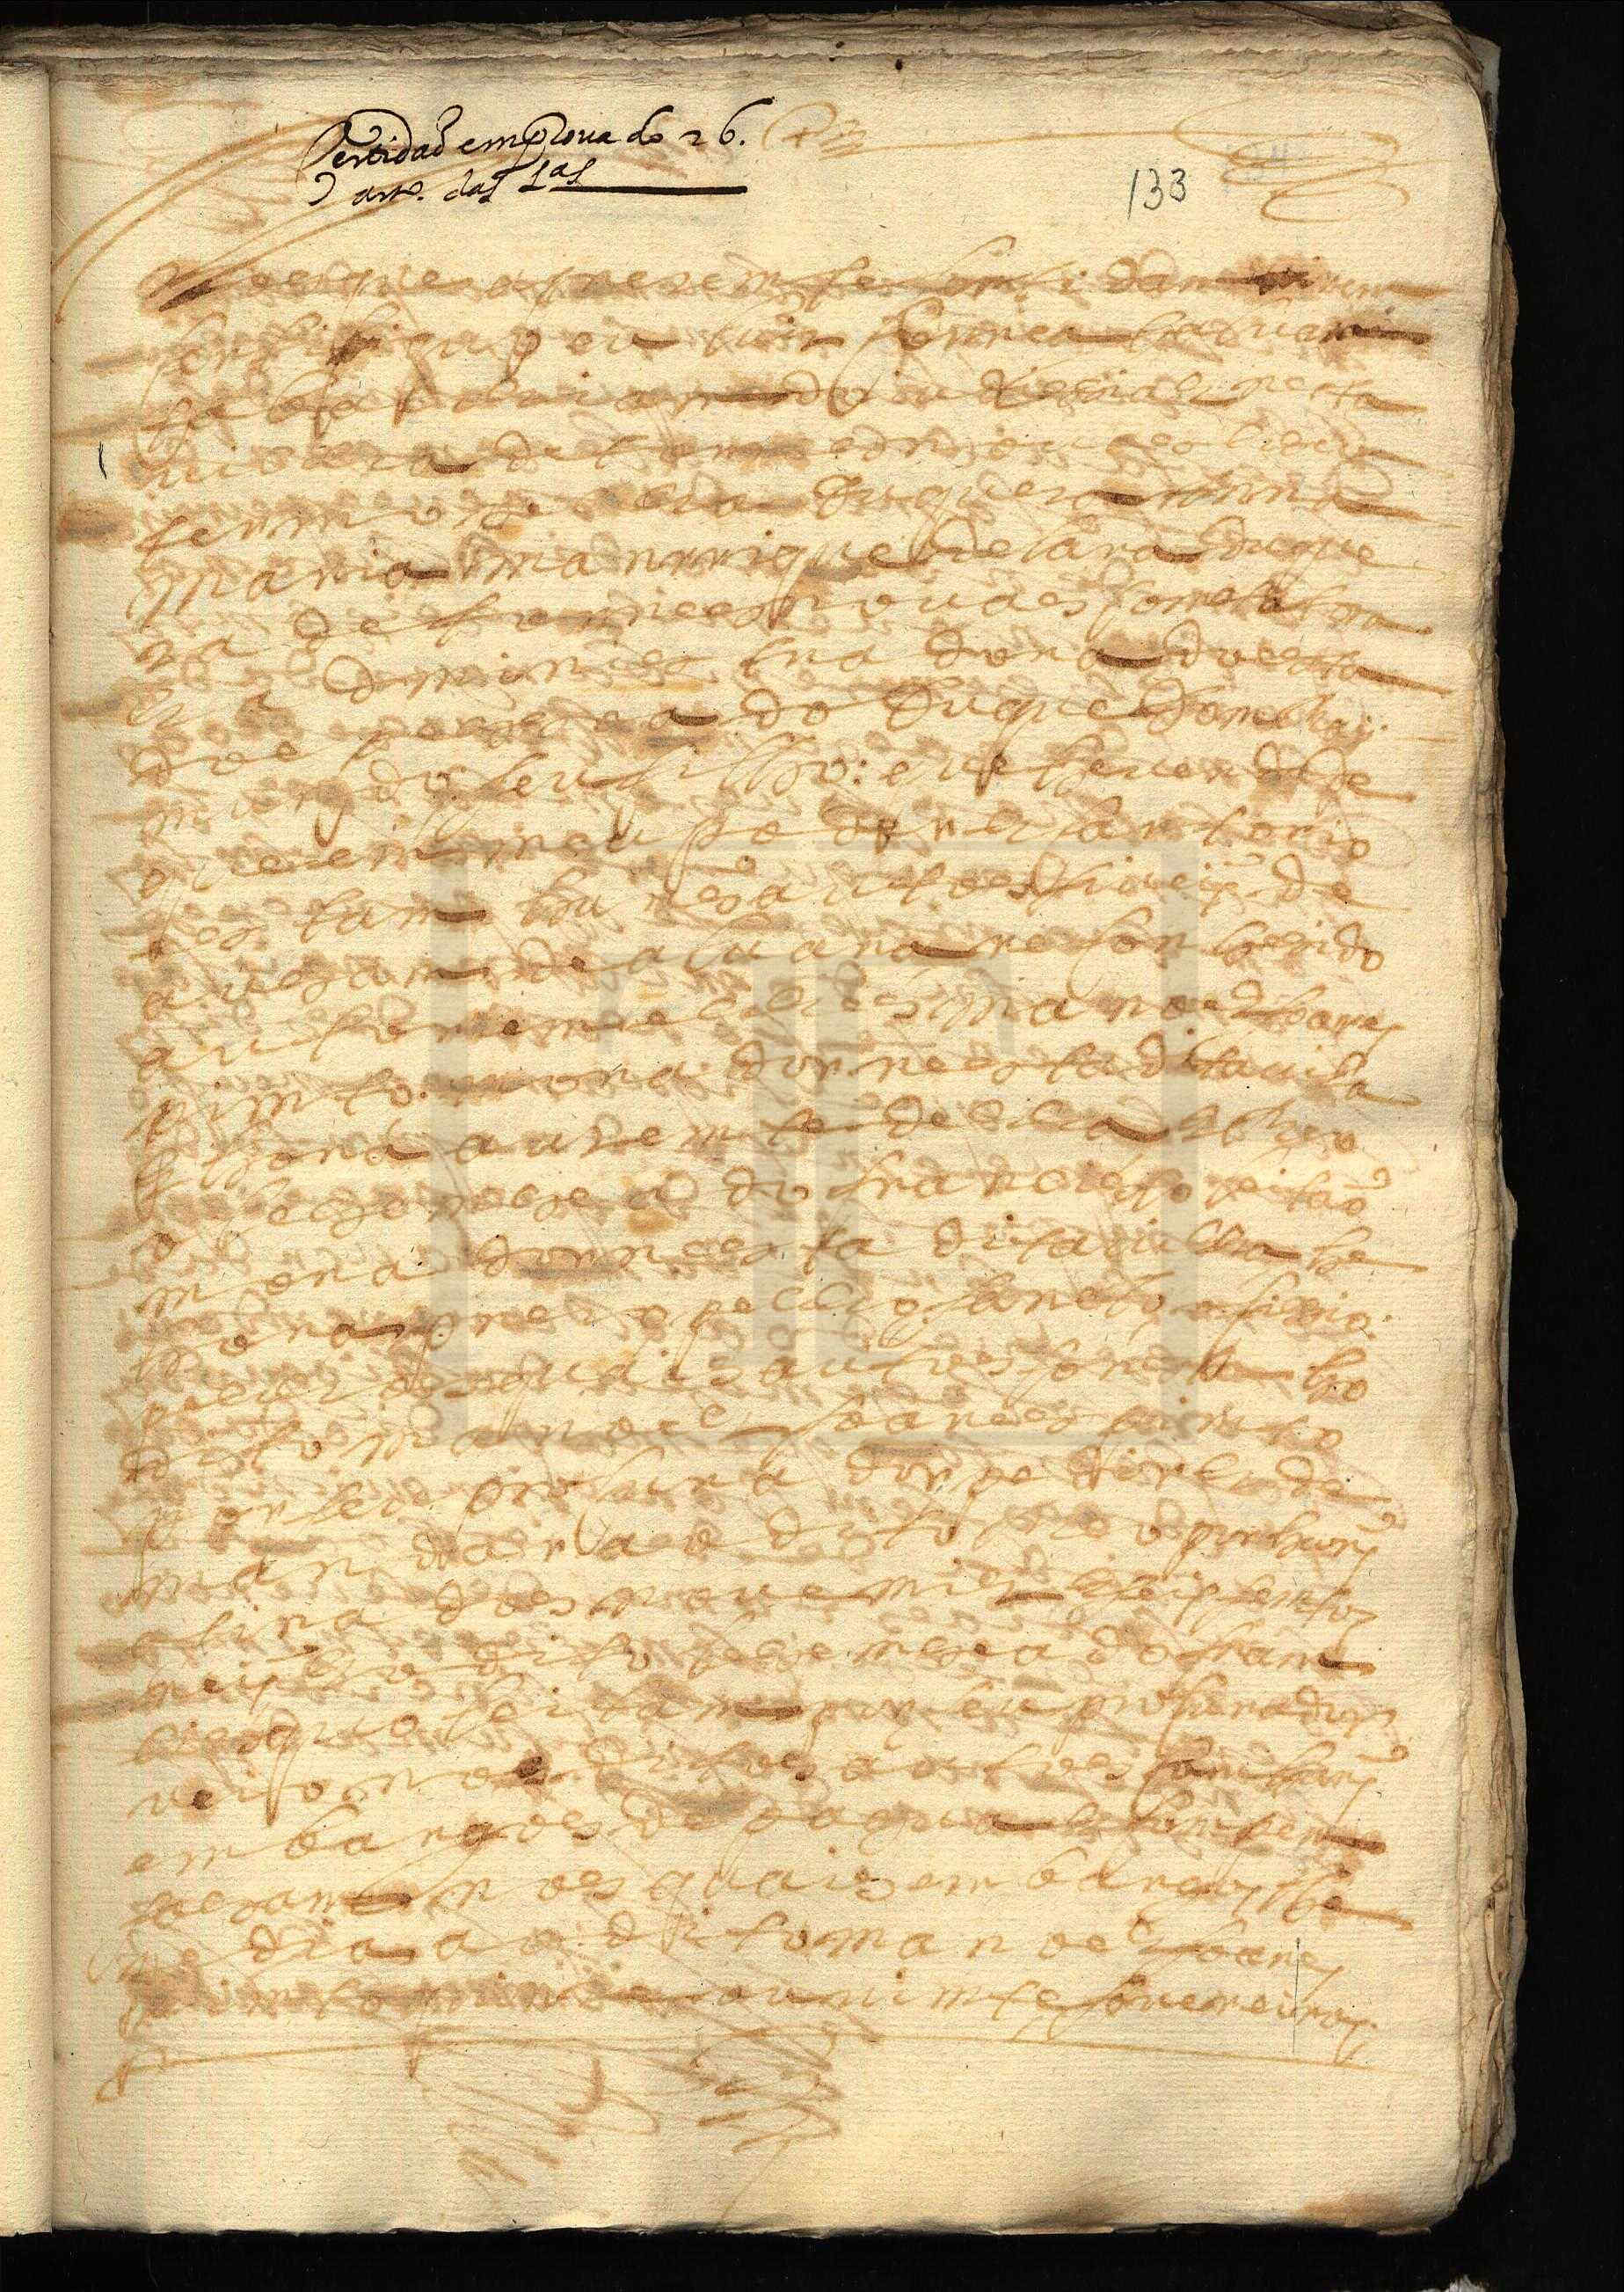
Certidaõ em proua do 26.
arto. das 1as
Aos que a prezemte Certidam uirem
Certifiquo eu luiz Correa Galuam
taballiam do iudissial nesta
uilla de torres nouas E seu
termo pella Duqueza Anna
maria manrrique de lara duque
za de torres nouas Como tutora
E administradora do esta
do e pessoa do Duque Dom Ray
mundo seu filho: que he uerdade
que em meu poder E Cartorio
estam huns autos siueis de
ausam de aluara reConhesido
autor em elles manoel soares
pimto. morador nesta dita uila
E hora auzemte della, E Reo
o lesemseado francisco leitaõ
morador nesta dita uilla, he
hora prezo pello sancto ofissio
pellos quais autos Consta ho
dito manoel soares pimto
por seu proCurador pedir E de
mandar ao dito Reo por huns̄
asinados noue mil E seiscemtos
reis E o dito lesemseado fram
cisquo leitam por seu proCurador
ueio nos ditos autos Com huns̄
embargos de pagua E Compem
sasam nos quais embargos lhe
pedia ao dito manoel soares
pimto quimze ou uimte souereiros
